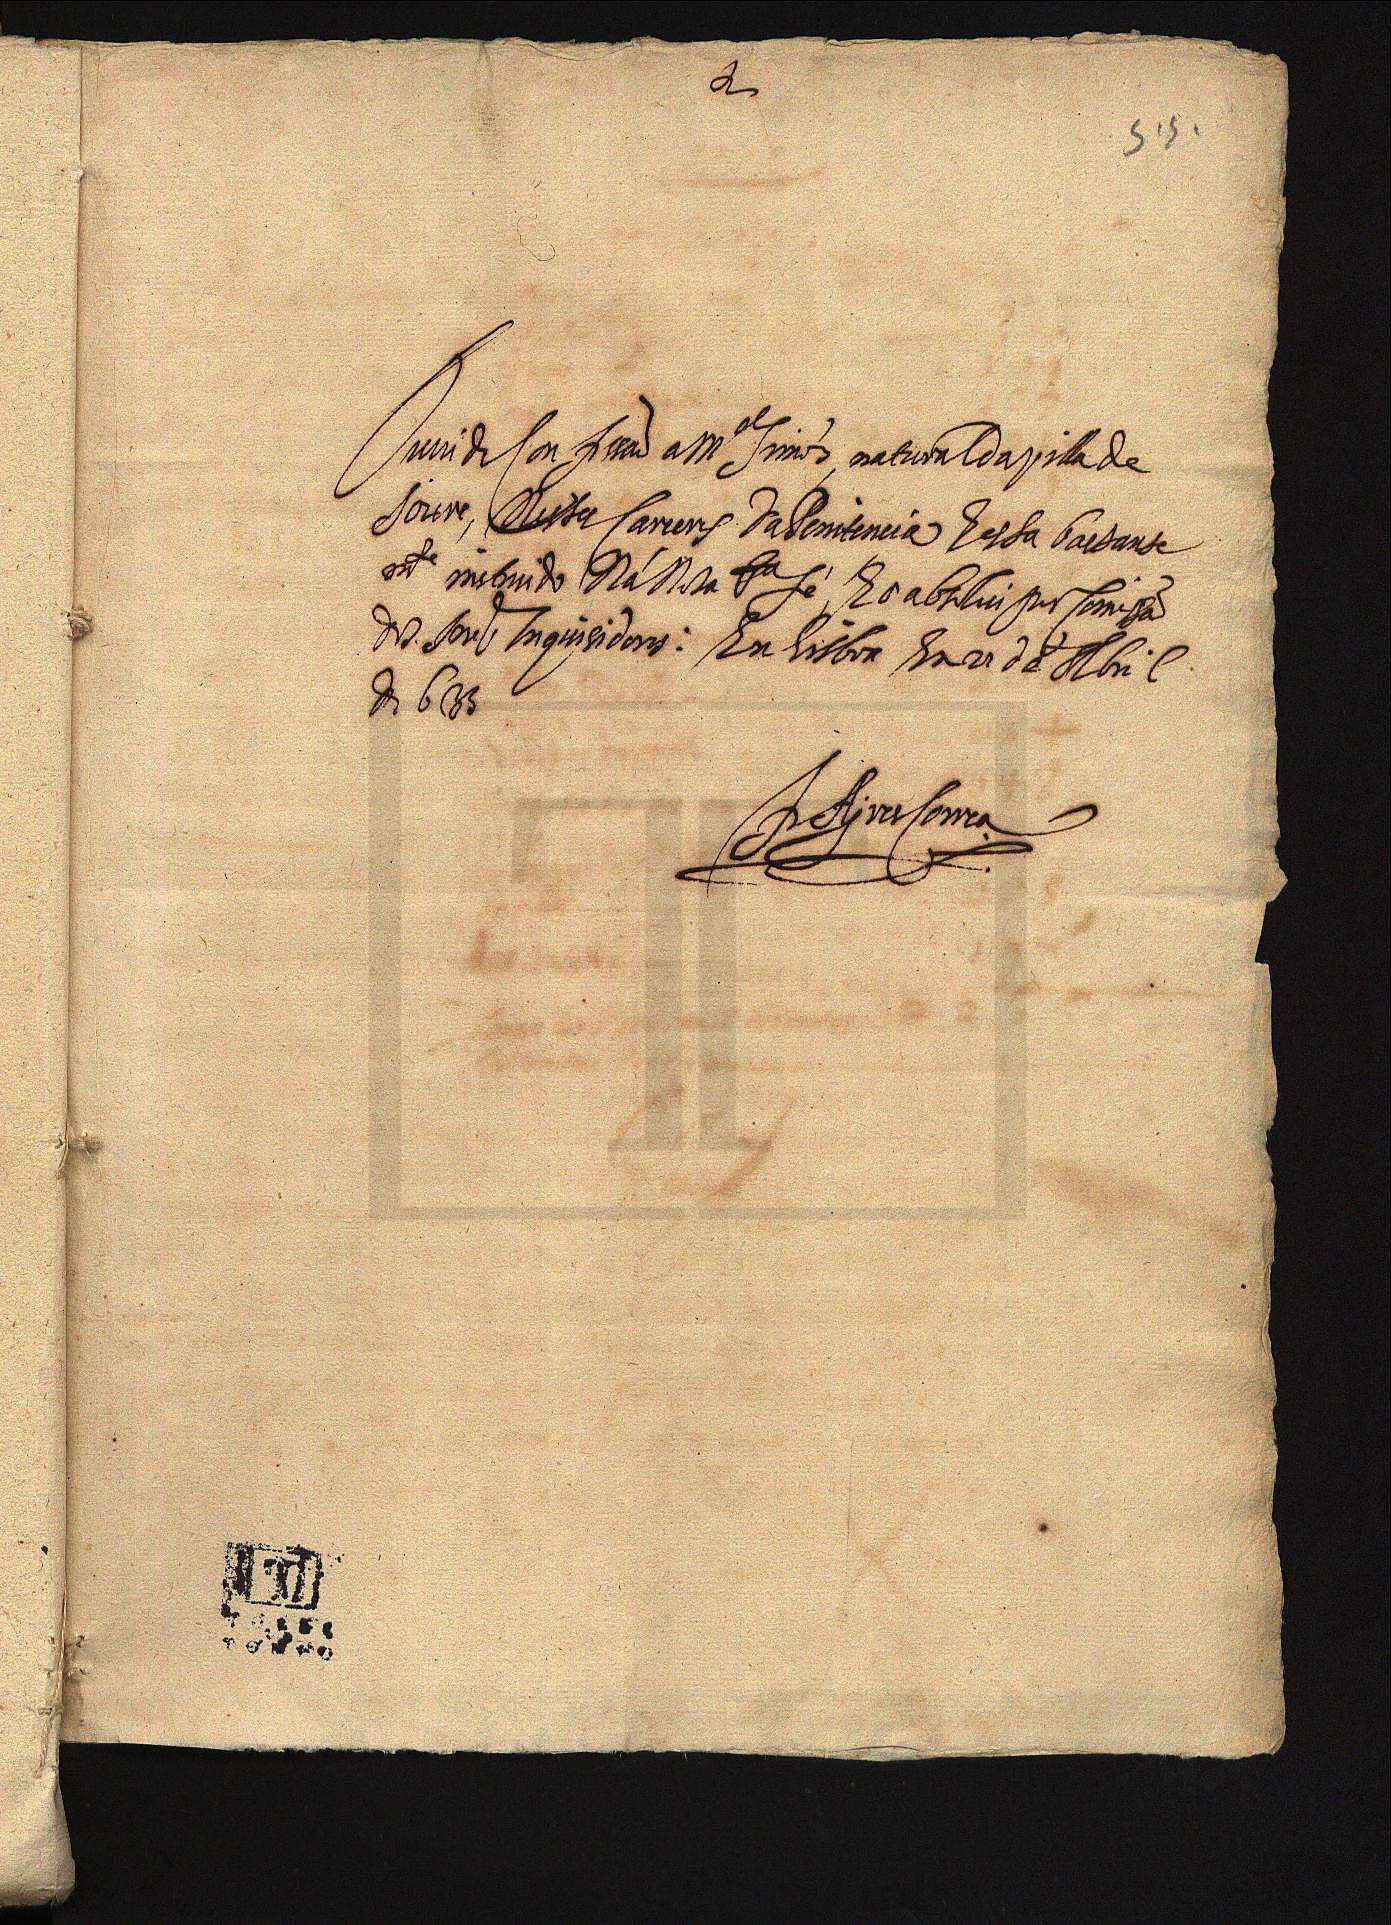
Ouuida Confissão a mel simos̄, natural da villa de
Soure, nestes Carceres da Penitencia E esta bastante
mte instruido na nosa Sta. fé, E o absolui por Comissaõ
dos sors̄ Inquisidores: En lisboa En 21 de Abril
de 633
